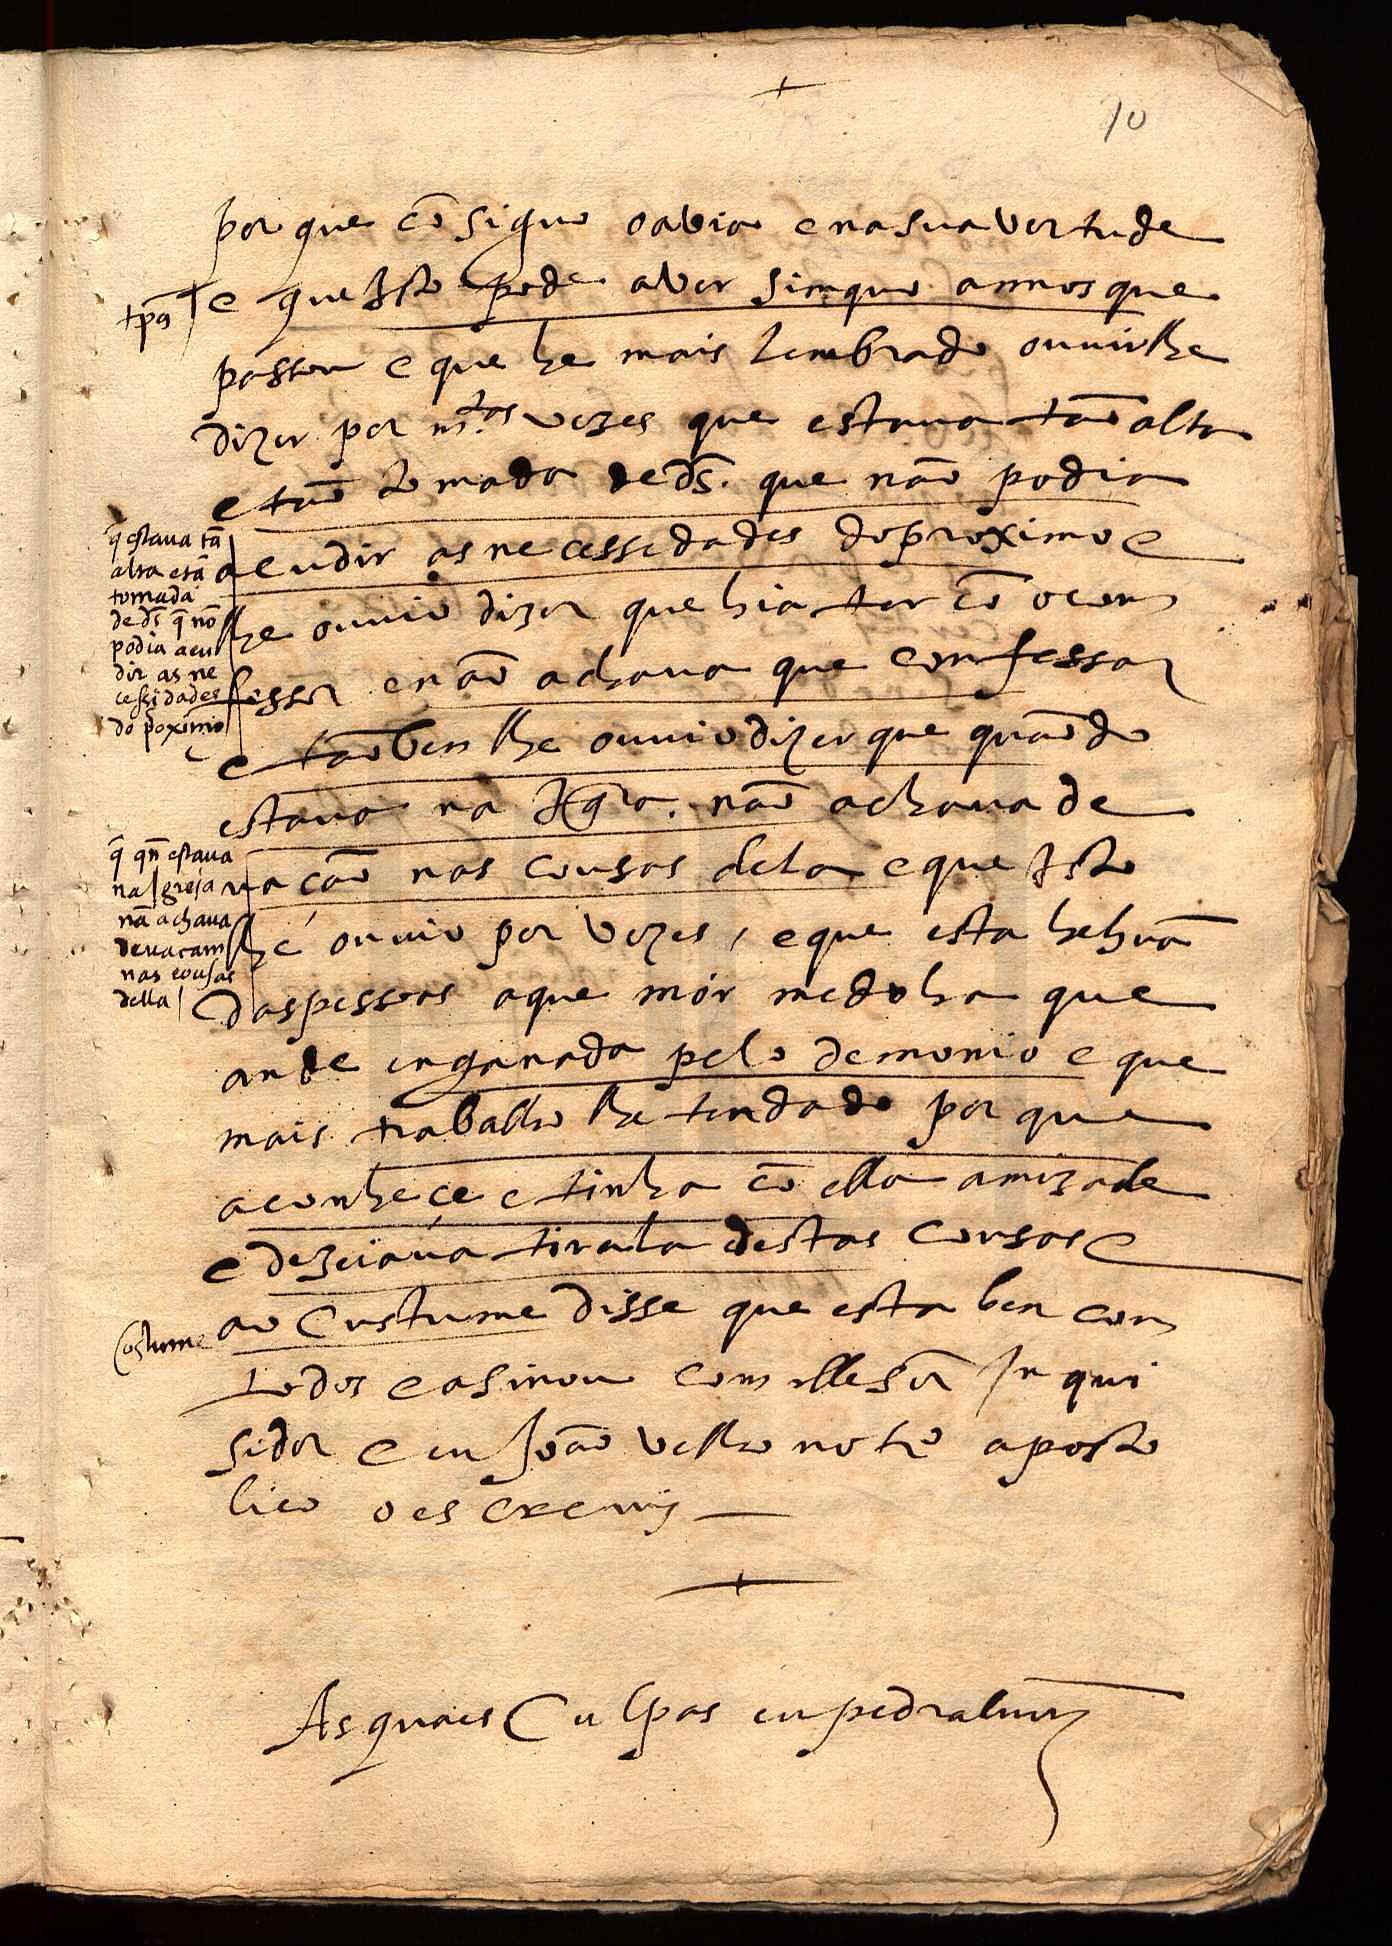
porque cōsiguo o avia e na sua vertude
e que Isto pode aver simquo annos que
tp̄ꝯ
passou e que he mais lembrado ouuirlhe
dizer por m.tas vezes que estaua tão alta
e tão tomada de ds̄ que não podia
q̄ estaua tā
alta e tā
tomada
de ds̄ q̄ nō
podia acu
dir as ne
cessidades
do p̄oximo
acudir as necessidades do proximo e
lhe ouuio dizer que hia ter cō o com
fessor e não achaua que confessar
e tãobem lhe ouuio dizer que quãodo
estaua na Iḡra não achaua de
q̄ qn̄ estaua
na Jgreja
nā achaua
deuoçam
nas cousas
della
uoçaõ nas cousas dela e que Isto
lhe ouuio por vezes / e que esta he huā
das pessoas a que mor medo ha que
ande enganada pelo demonio e que
mais trabalho lhe ten dado porque
a conhece e tinha cō ella amizade
e dezeiaua tirala destas cousas e
Costume
ao custume disse que esta ben com
todos e asinou com elle sōr Jnqui
sidor e eu Joaõ velho notro aposto
lico o escreuy
As quais Culpas eu pedralur̄ez
